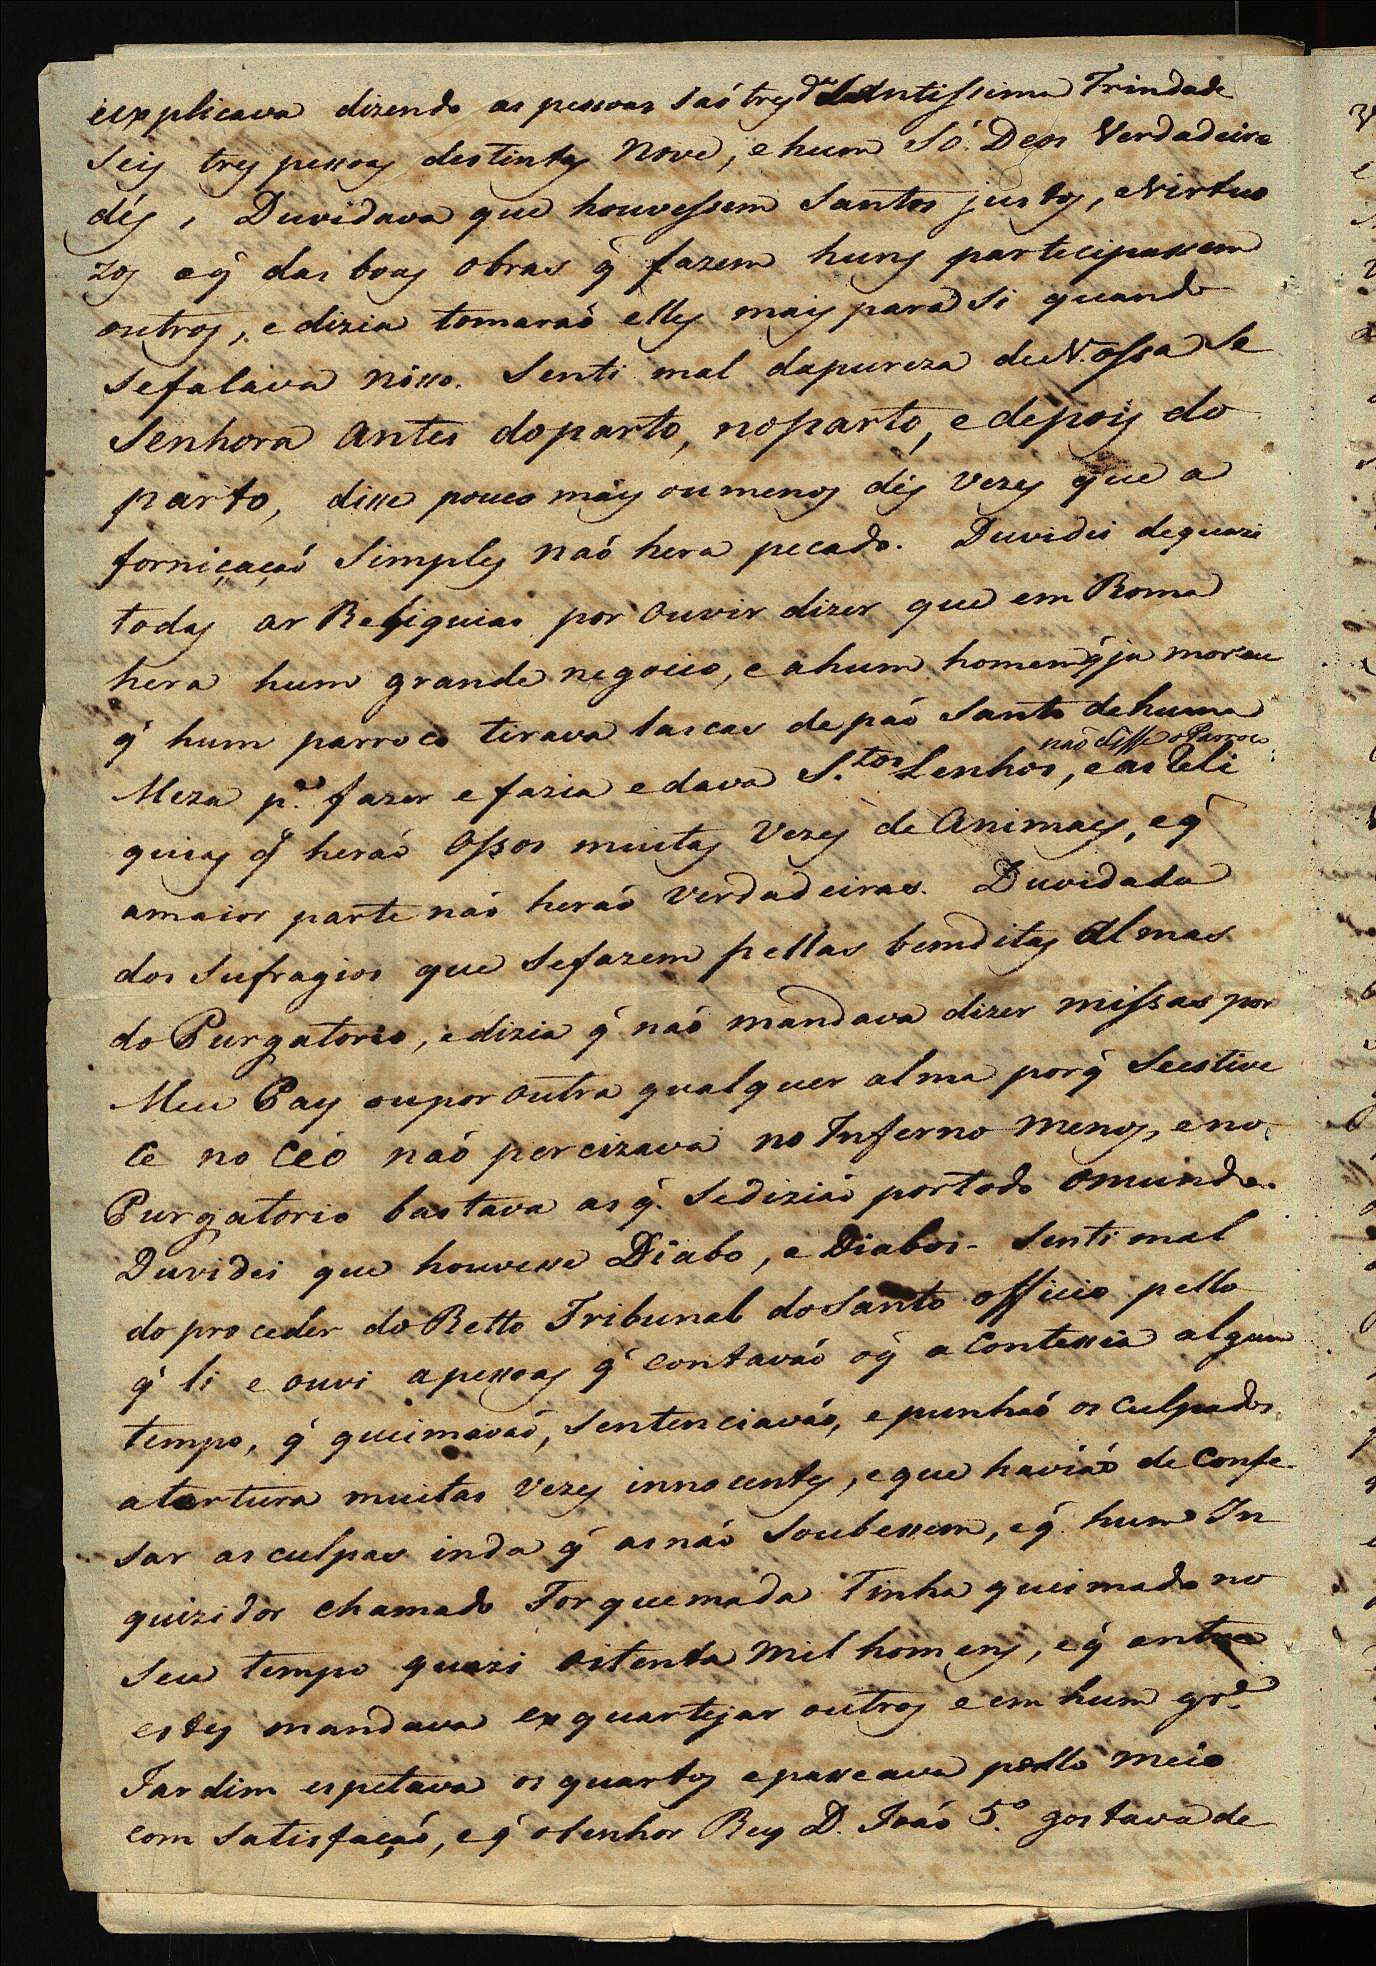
e explicava, dizendo as pessoas saõ tres da Santissima Trindade
seis tres pessoas destintas nove, e hum só Deos Verdadeiro
dés, Duvidava que houvessem santos justos, e virtuo
zos o q̄ das boas obras q̄ fazem huns partecipassem
outros, e dizia tomaraõ elles mais para si quando
se falava nisso. Senti mal da pureza de Nossa Se
Senhora antes do parto, no parto, e depois do
parto, disse pouco mais ou menos des vezes que a
forniçaçaõ simples naõ hera pecado. Duvidei de quazi
todas as Reliquias por ouvir dizer que em Roma
hera hum grande negocio, e a hum homem̄ q̄ ja moreu
q̄ hum parroco tirava lascas de paó santo de huma
naõ disse o Parroco
Meza p.a fazer e fazia e dava S.tos Lenhos, e as Reli
quias q̄ heraõ ossos muitas vezes de animaes, e q̄
a maior parte não herão verdadeiras. Duvidada
dos sufragios que se fazem pellas bemditas almas
do Purgatorio, e dizia q̄ naõ mandava dizer missas por
Meu Pay ou por outra qualquer alma porq̄ se estive
ce no ceo naõ percizava no Inferno menos, e no
Purgatorio bastava as q̄ se deziaõ por todo o mundo.
Duvidei que houvesse Diabo, e Diabos. Senti mal
do proceder do Retto Tribunal do Santo officio pello
q̄ li e ouvi a pessoas q̄ contavaõ o q̄ acontessia algum
tempo, q̄ queimavaõ, sentenciavaõ, e punhaõ os culpados,
a tortura muitas vezes innocentes, e que haviaõ de confe
sar as culpas inda q̄ as naõ soubessem, e q̄ hum In
quizidor chamado Torquemada tinha queimado no
seu tempo quazi oitenta mil homens, e q̄ ante
estes mandava exquartejar outros e em hum gr.e
Iardim espetava os quartos e passeava pello meio
com satisfaçaõ, e q̄ o senhor Rey D. Ioaõ 5.o gostava de
